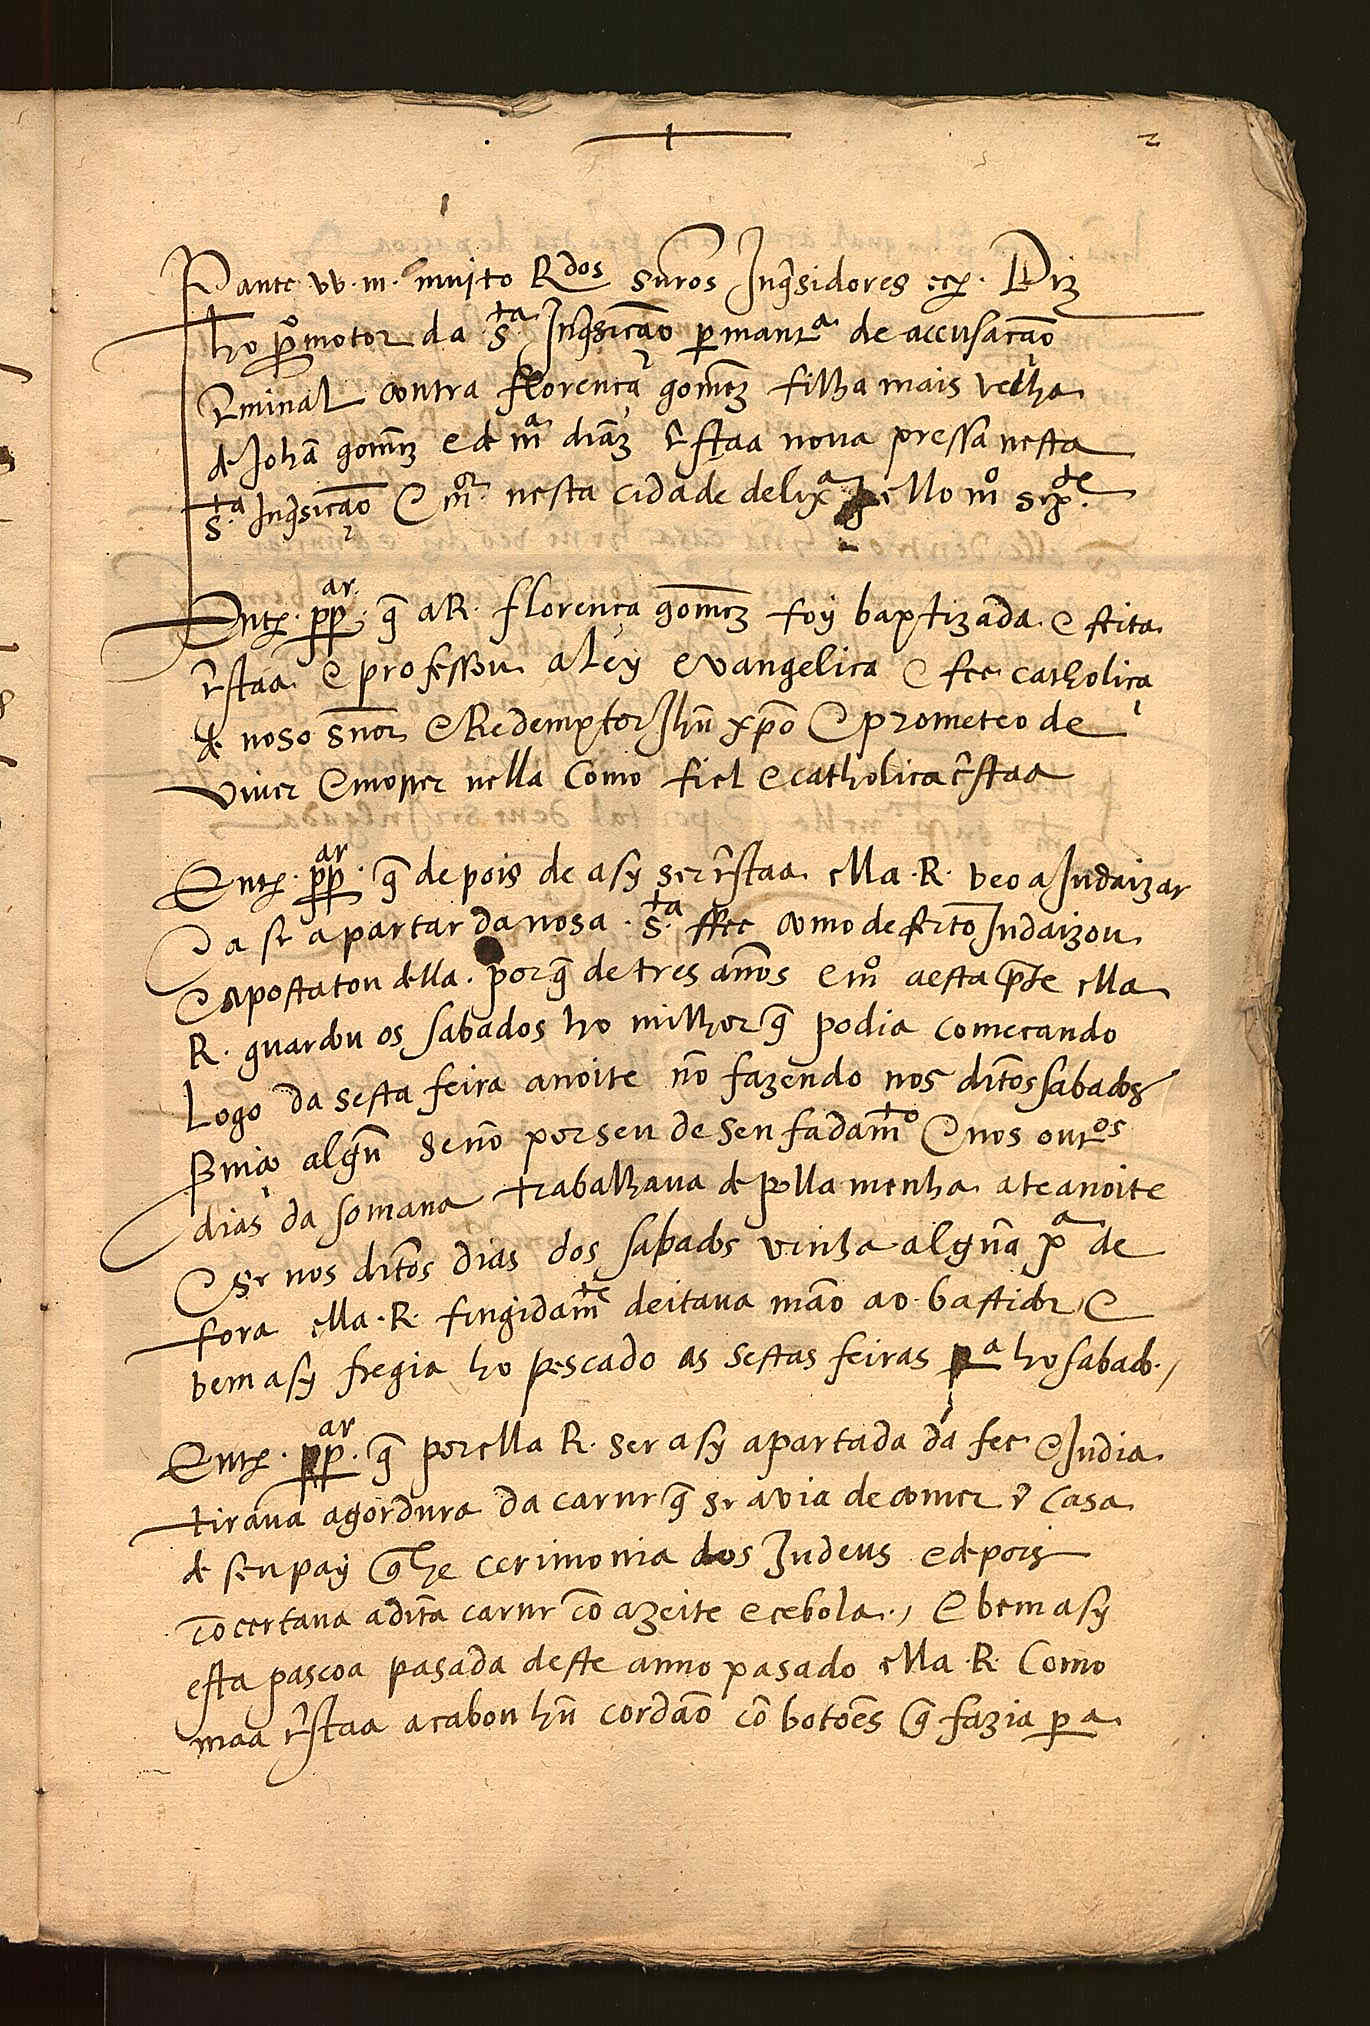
Ꝑante .vv.m. mujto Rdos Snr̄os Jnqisidores ccꝭ. Diz
ho ꝓomotor da .S.ta Jnq̄sição ꝑ manra de accusação
CriminaL contra florença gomez filha mais velha
de Johā gomez e de ma diaz cistaa noua pressa nesta
S.ta Jnqisição e mor nesta cidade de lixa pello mo segte.
Entꝭ. ꝑꝑar. q̄ a R. florença gomez foy baptizada e feita
cistaa e professou a Ley evangelica e fee catholiça
de noso s̄nor e Redemptor Jhū xp̄o e prometeo de
viuer e morrer nella Como fiel e catholica cistaa
Entꝭ .ꝑꝑar. q̄ depois de asy ser cistaa ella .R. veo a Judaizar
e a se apartar da nosa .S.ta ffee como de feito Judaizou
e apostatou della. porq̄ de tres an̄os e mo a esta p̄te ella
R. guardou os Sabados ho milhor q̄ podia comecando
Logo da sesta feira a noite nō fazendo nos ditos Sabados
ꞩuiço algū senō por seu desenfadamto e nos outos
dias da Somana trabalhaua de polla menha ate a noite
e se nos ditos dias dos Sabados vinha alguā pa de
fora ella .R. fingidamte deitaua mão ao bastidor e
bem asy fregia ho pescado as sestas feiras ꝑa ho Sabado. /
Entꝭ. ꝑꝑar. q̄ por ella R. ser asy apartada da fee e Judia
tiraua a gordura da carne q̄ se avia de comer ē casa
de seu pay q̄ he cerimonia dos Judeus e depois
c̄ocertaua a dita carne c̄o azeite e cebola., e bem asy
esta pascoa pasada deste anno pasado ella .R. Como
maa cistaa acabou hū cordão cō botoẽs q̄ fazia ꝑa
